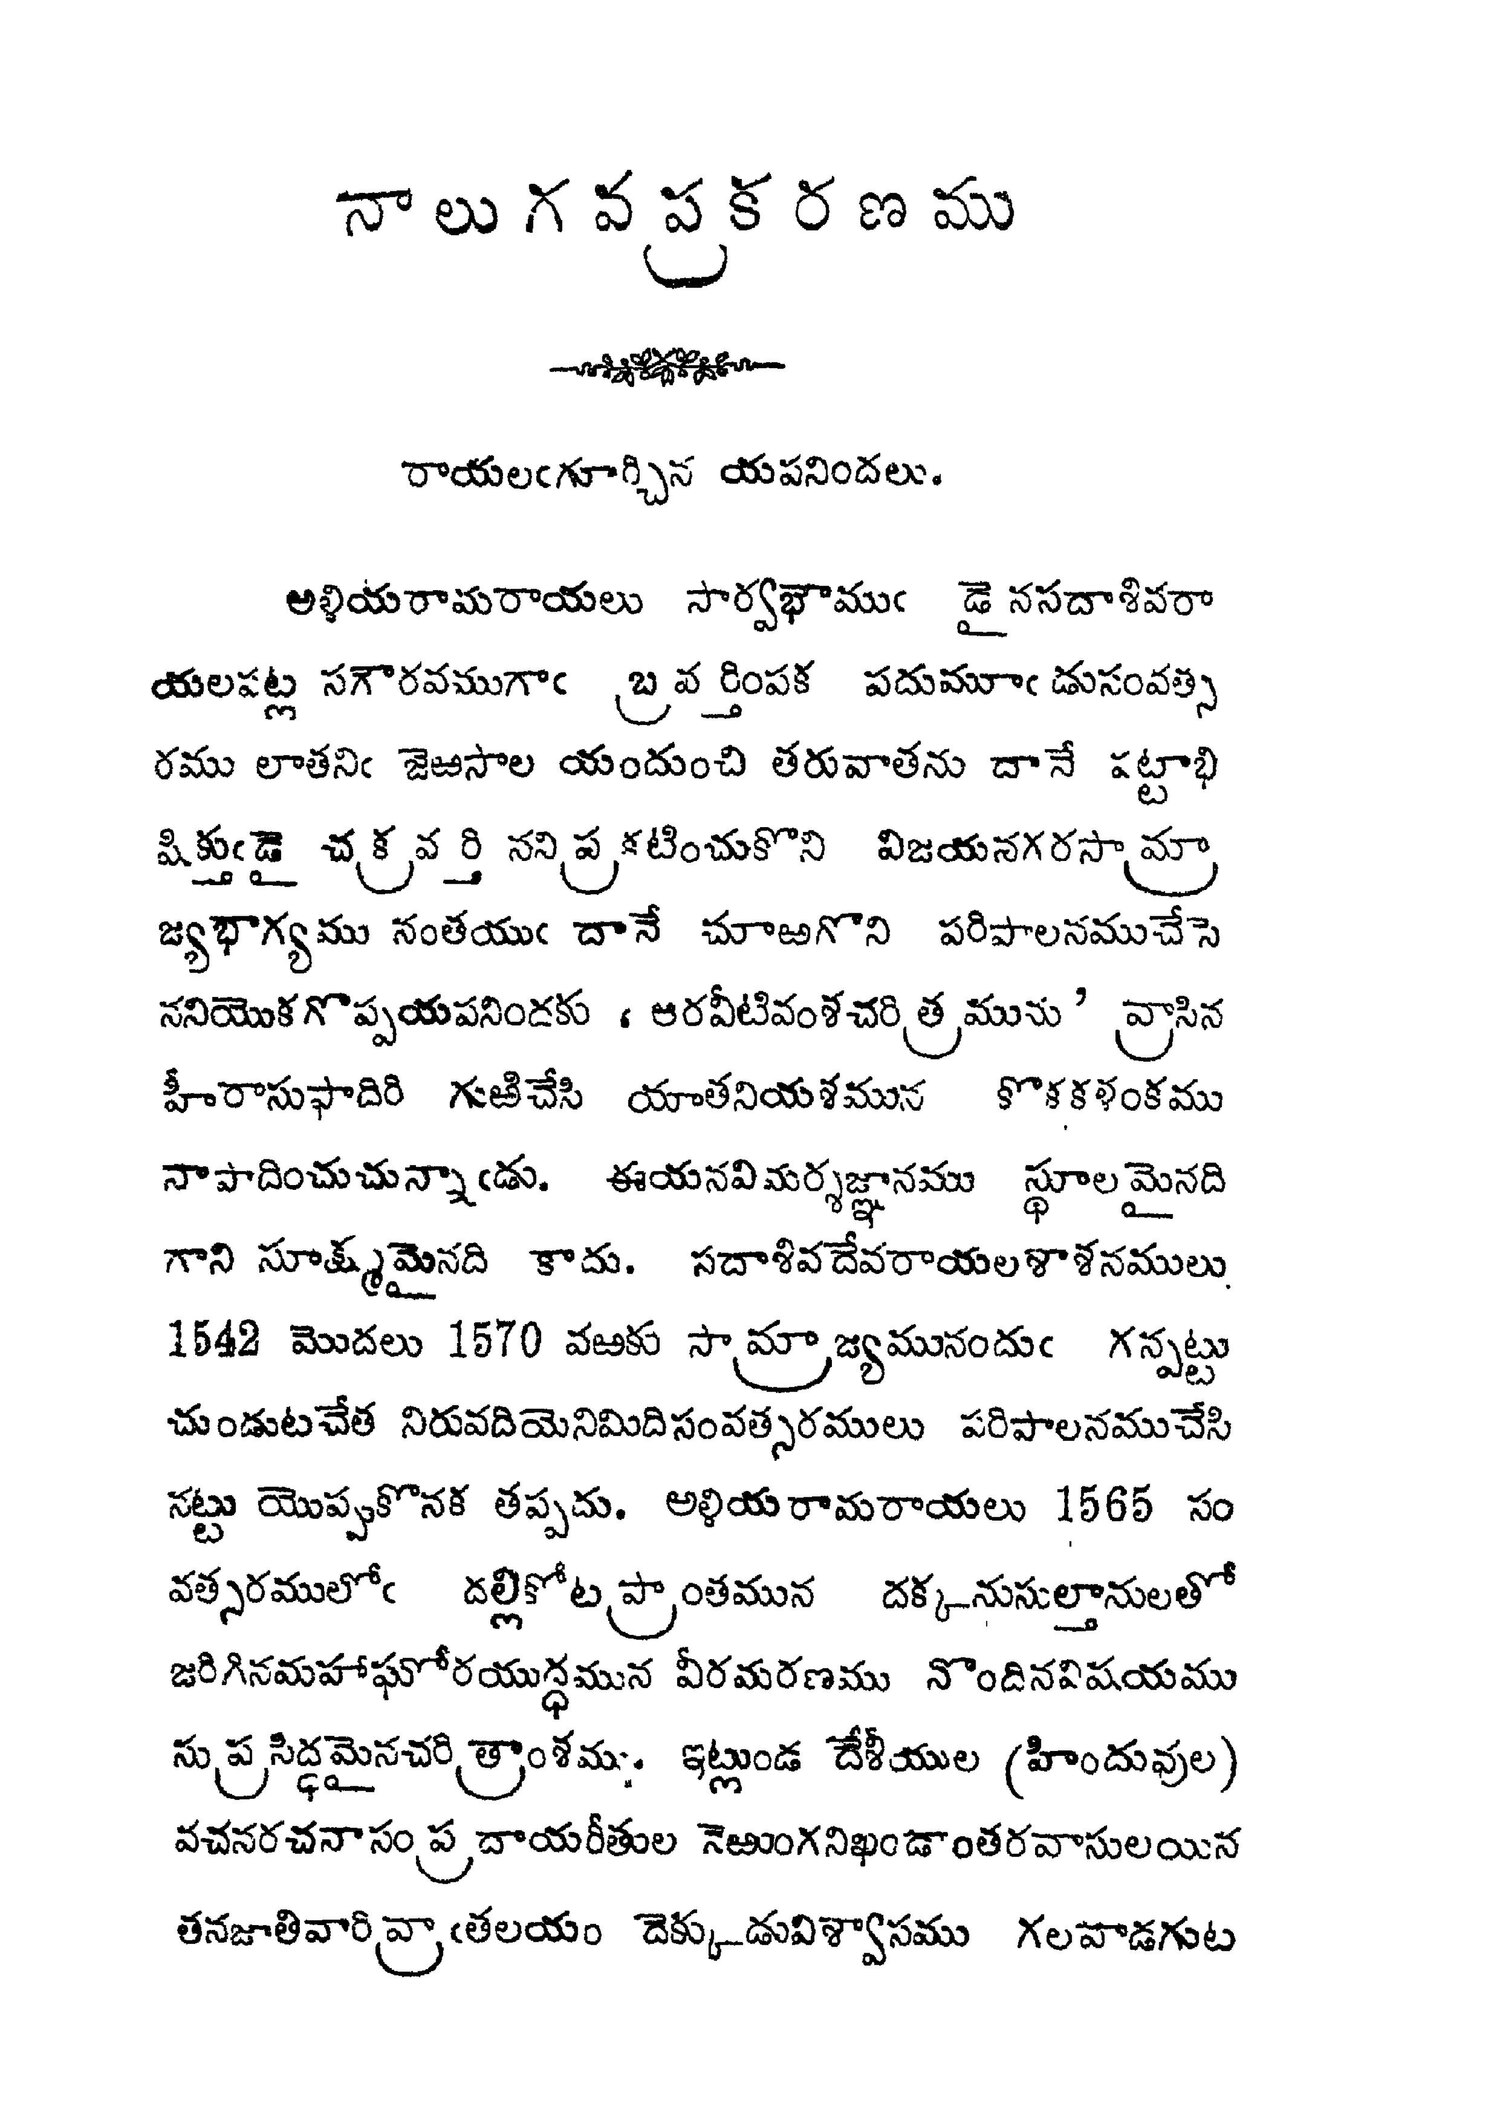అళియరామరాయలు సార్వభౌము డైనసదాశివరాయలపట్ల సగౌరవముగా బ్రవర్తింపక పదమూడుసంవత్సరము లాతని జెఱసాల యందుంచి తరువాతను దానే పట్టాభిషిక్తుడై చక్రవర్తి ననిప్రకటించుకొని విజయనగరసామ్రాజ్యభాగ్యము నంతయు దానే చూఱగొని పరిపాలనముచేసెనని యొకగొప్పయపనిందకు 'ఆరవీటివంశచరిత్రమును' వ్రాసిన హీరాసుఫాదిరి గుఱిచేసి యాతనియశమున కొకకళంకము నాపాదించుచున్నాడు. ఈయనవిమర్శజ్ఞానము స్థూలమైనది. గాని సూక్ష్మమైనది కాదు. సదాశివదేవరాయల శాశనములు 1542 మొదలు 1570 వఱకు సామ్రాజ్యమునందు గన్పట్టుచుండుటచేత నిరువదియెనిమిదిసంవత్సరములు పరిపాలనముచేసినట్టు యొప్పుకొనక తప్పదు. అళియరామరాయలు 1565 సంవత్సరములో దల్లికోటప్రాంతమున దక్కనుసుల్తానులతో జరిగిన మహాఘోరయుద్ధమున వీరమరణము నొందినవిషయము సుప్రసిద్ధమైనచరిత్రాంశము. ఇట్లుండ దేశీయుల (హిందువుల) వచనరచనాసంప్రదాయరీతుల నెఱుంగనిఖాండాంతరవాసులయిన తనజాతివారివ్రాతలయం దెక్కుడువిశ్వాసము గలవాడగుట